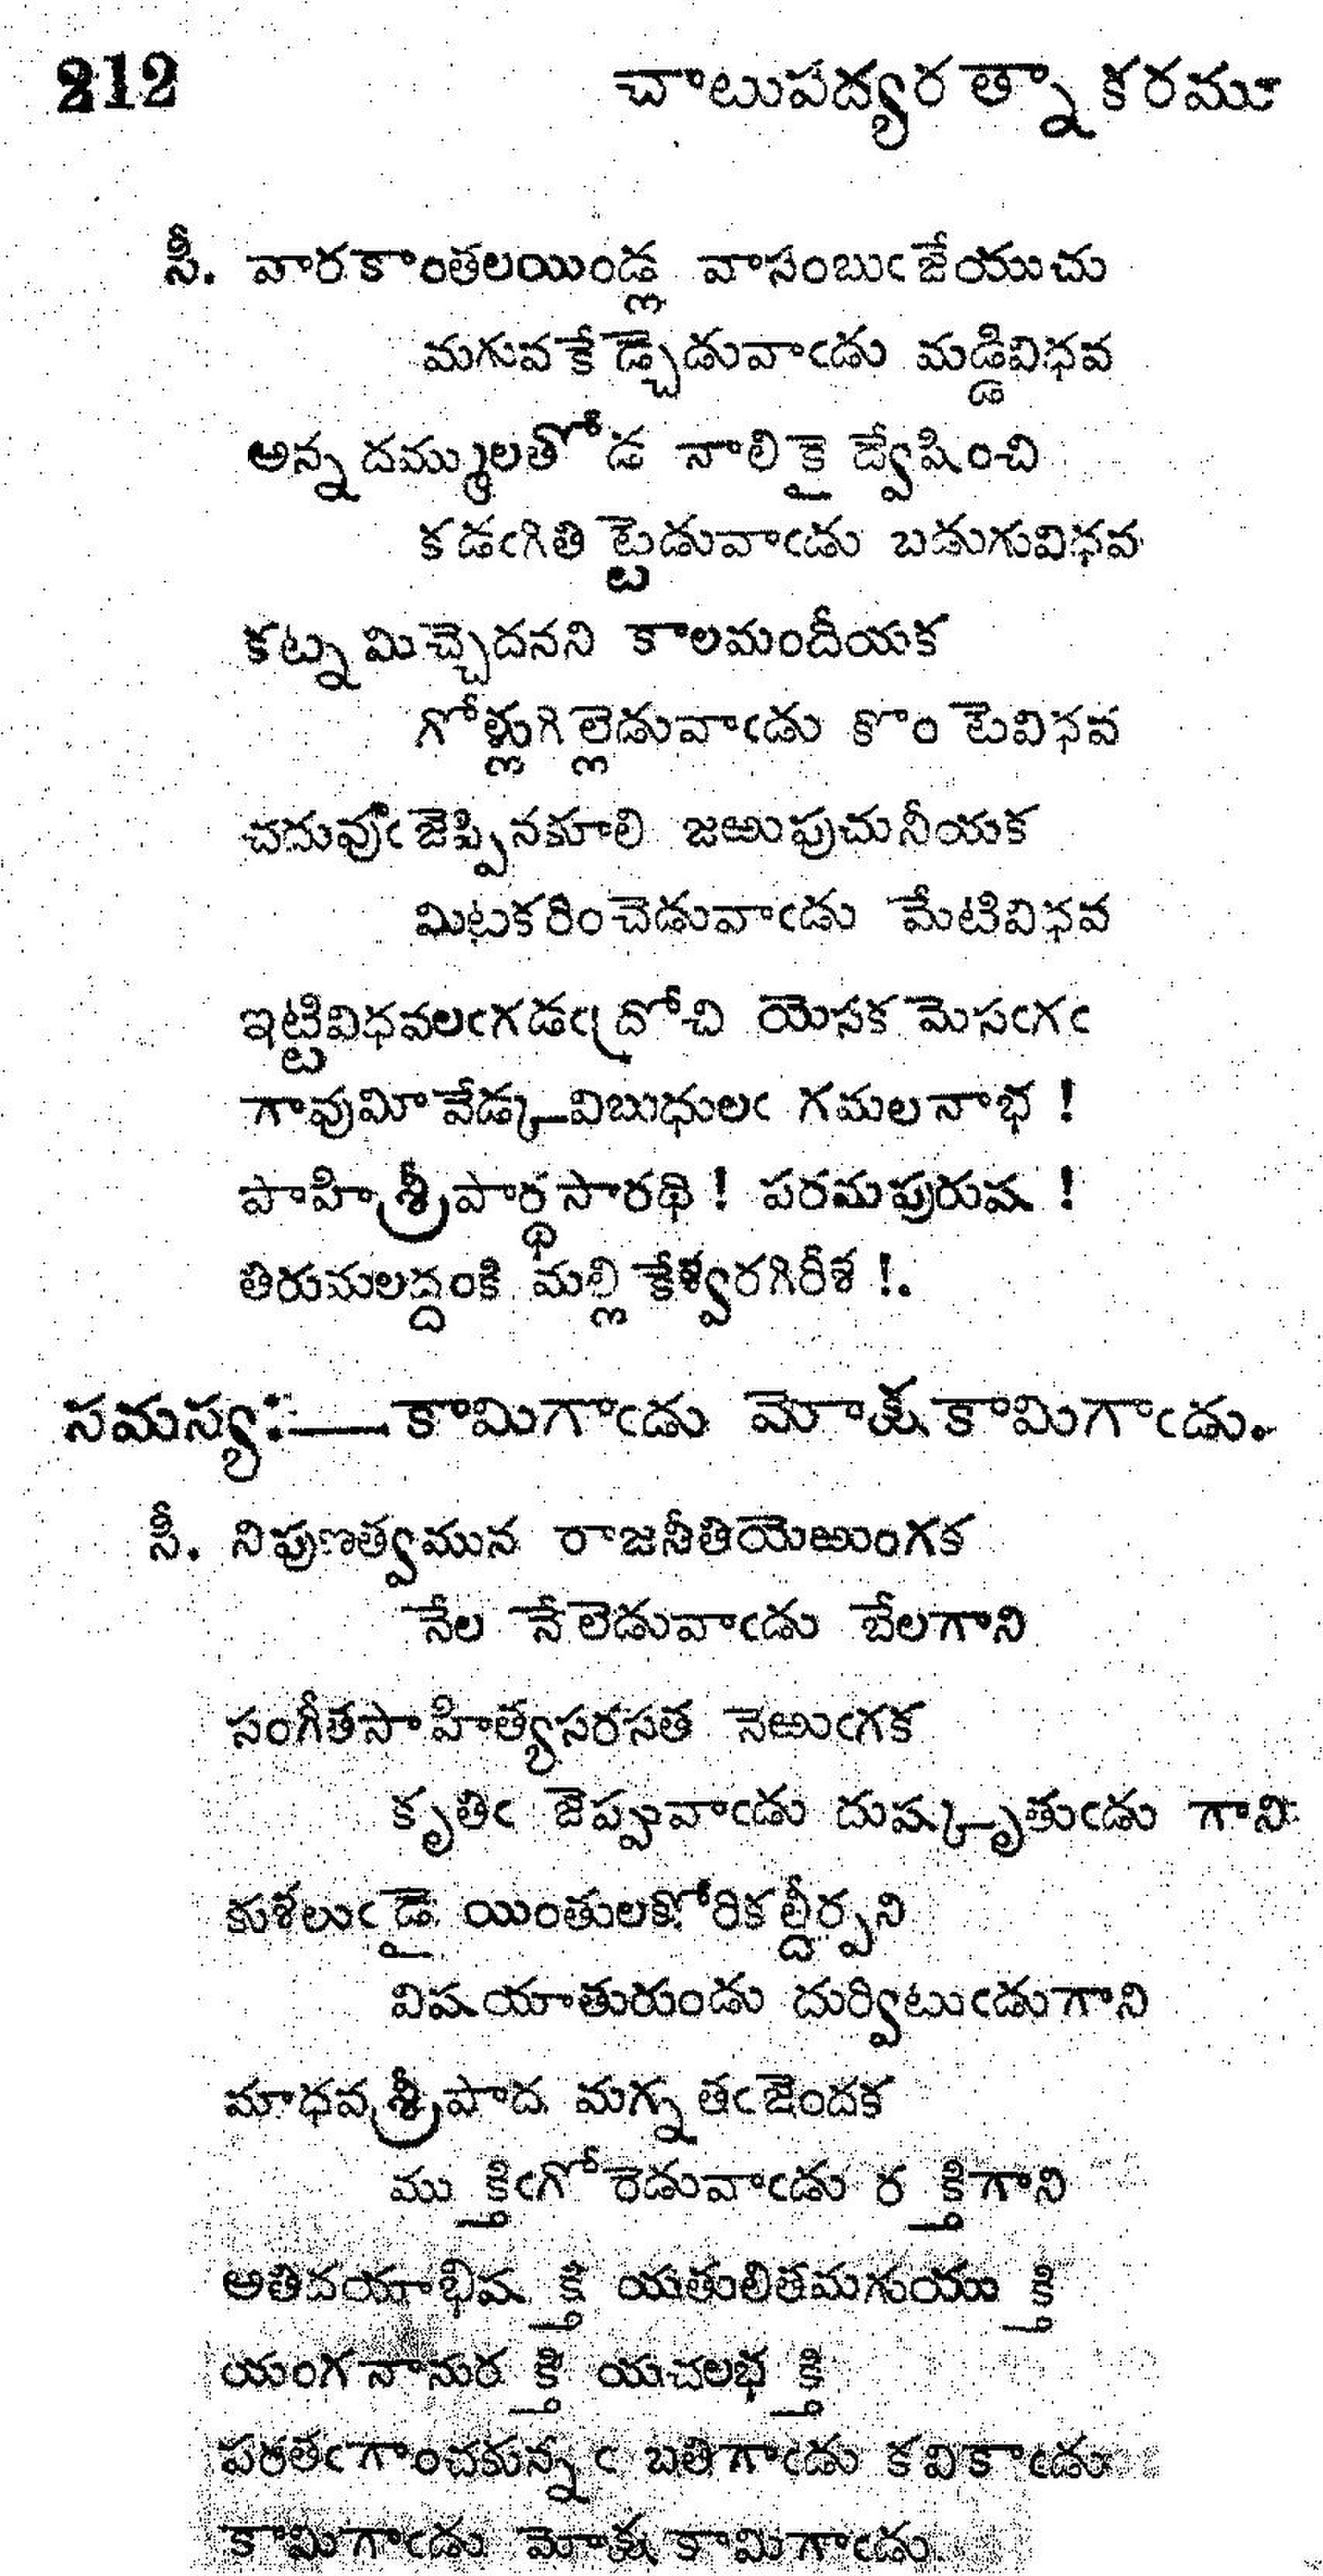సీ. వారకాంతలయిండ్ల వాసంబుఁ జేయుచు
 మగువ కేడ్చెడువాఁడు మడ్డివిధవ
 అన్నదమ్ములతోడ నాలికై ద్వేషించి
 కడఁగితిట్టెడువాఁడు బడుగువిధవ
 కట్న మిచ్చెద నని కాల మందీయక
 గోళ్ళు గిల్లెడువాఁడు కొంటెవిధవ
 చదువుఁజెప్పినకూలి జఱుపుచు నీయక
 మిటకరించెడువాఁడు మేటివిధవ
 ఇట్టివిధవలఁ గడఁద్రోచి యెసకమెసఁగఁ
 గావుమీ వేడ్క విబుధులఁ గమలనాభ!
 పాహి శ్రీపార్థసారథి! పరమపురుష!
 తిరుమలద్దంకి మల్లికేశ్వరగిరీశ!

సమస్య:—కామిగాఁడు మోక్షకామిగాఁడు

సీ. నిపుణత్వమున రాజనీతి యెఱుంగక
 నేల నేలెడువాఁడు బేలగాని
 సంగీతసాహిత్యసరసత నెఱుఁగక
 కృతిఁ జెప్పువాఁడు దుష్కృతుఁడు గాని
 కుశలుఁడై యింతులకోరిక ల్దీర్పని
 విషయాతురుండు దుర్విటుఁడు గాని
 మాధవశ్రీపాద మగ్నతఁ జెందక
 ముక్తిఁ గోరెడువాఁడు రక్తి గాని
 అతిదయాభిషక్తి యతులితమగు యుక్తి
 యంగనానురక్తి యచలభక్తి
 పరతఁ గాంచకున్నఁ బతిగాఁడు కవికాఁడు
 కామిగాఁడు మోక్షకామిగాఁడు